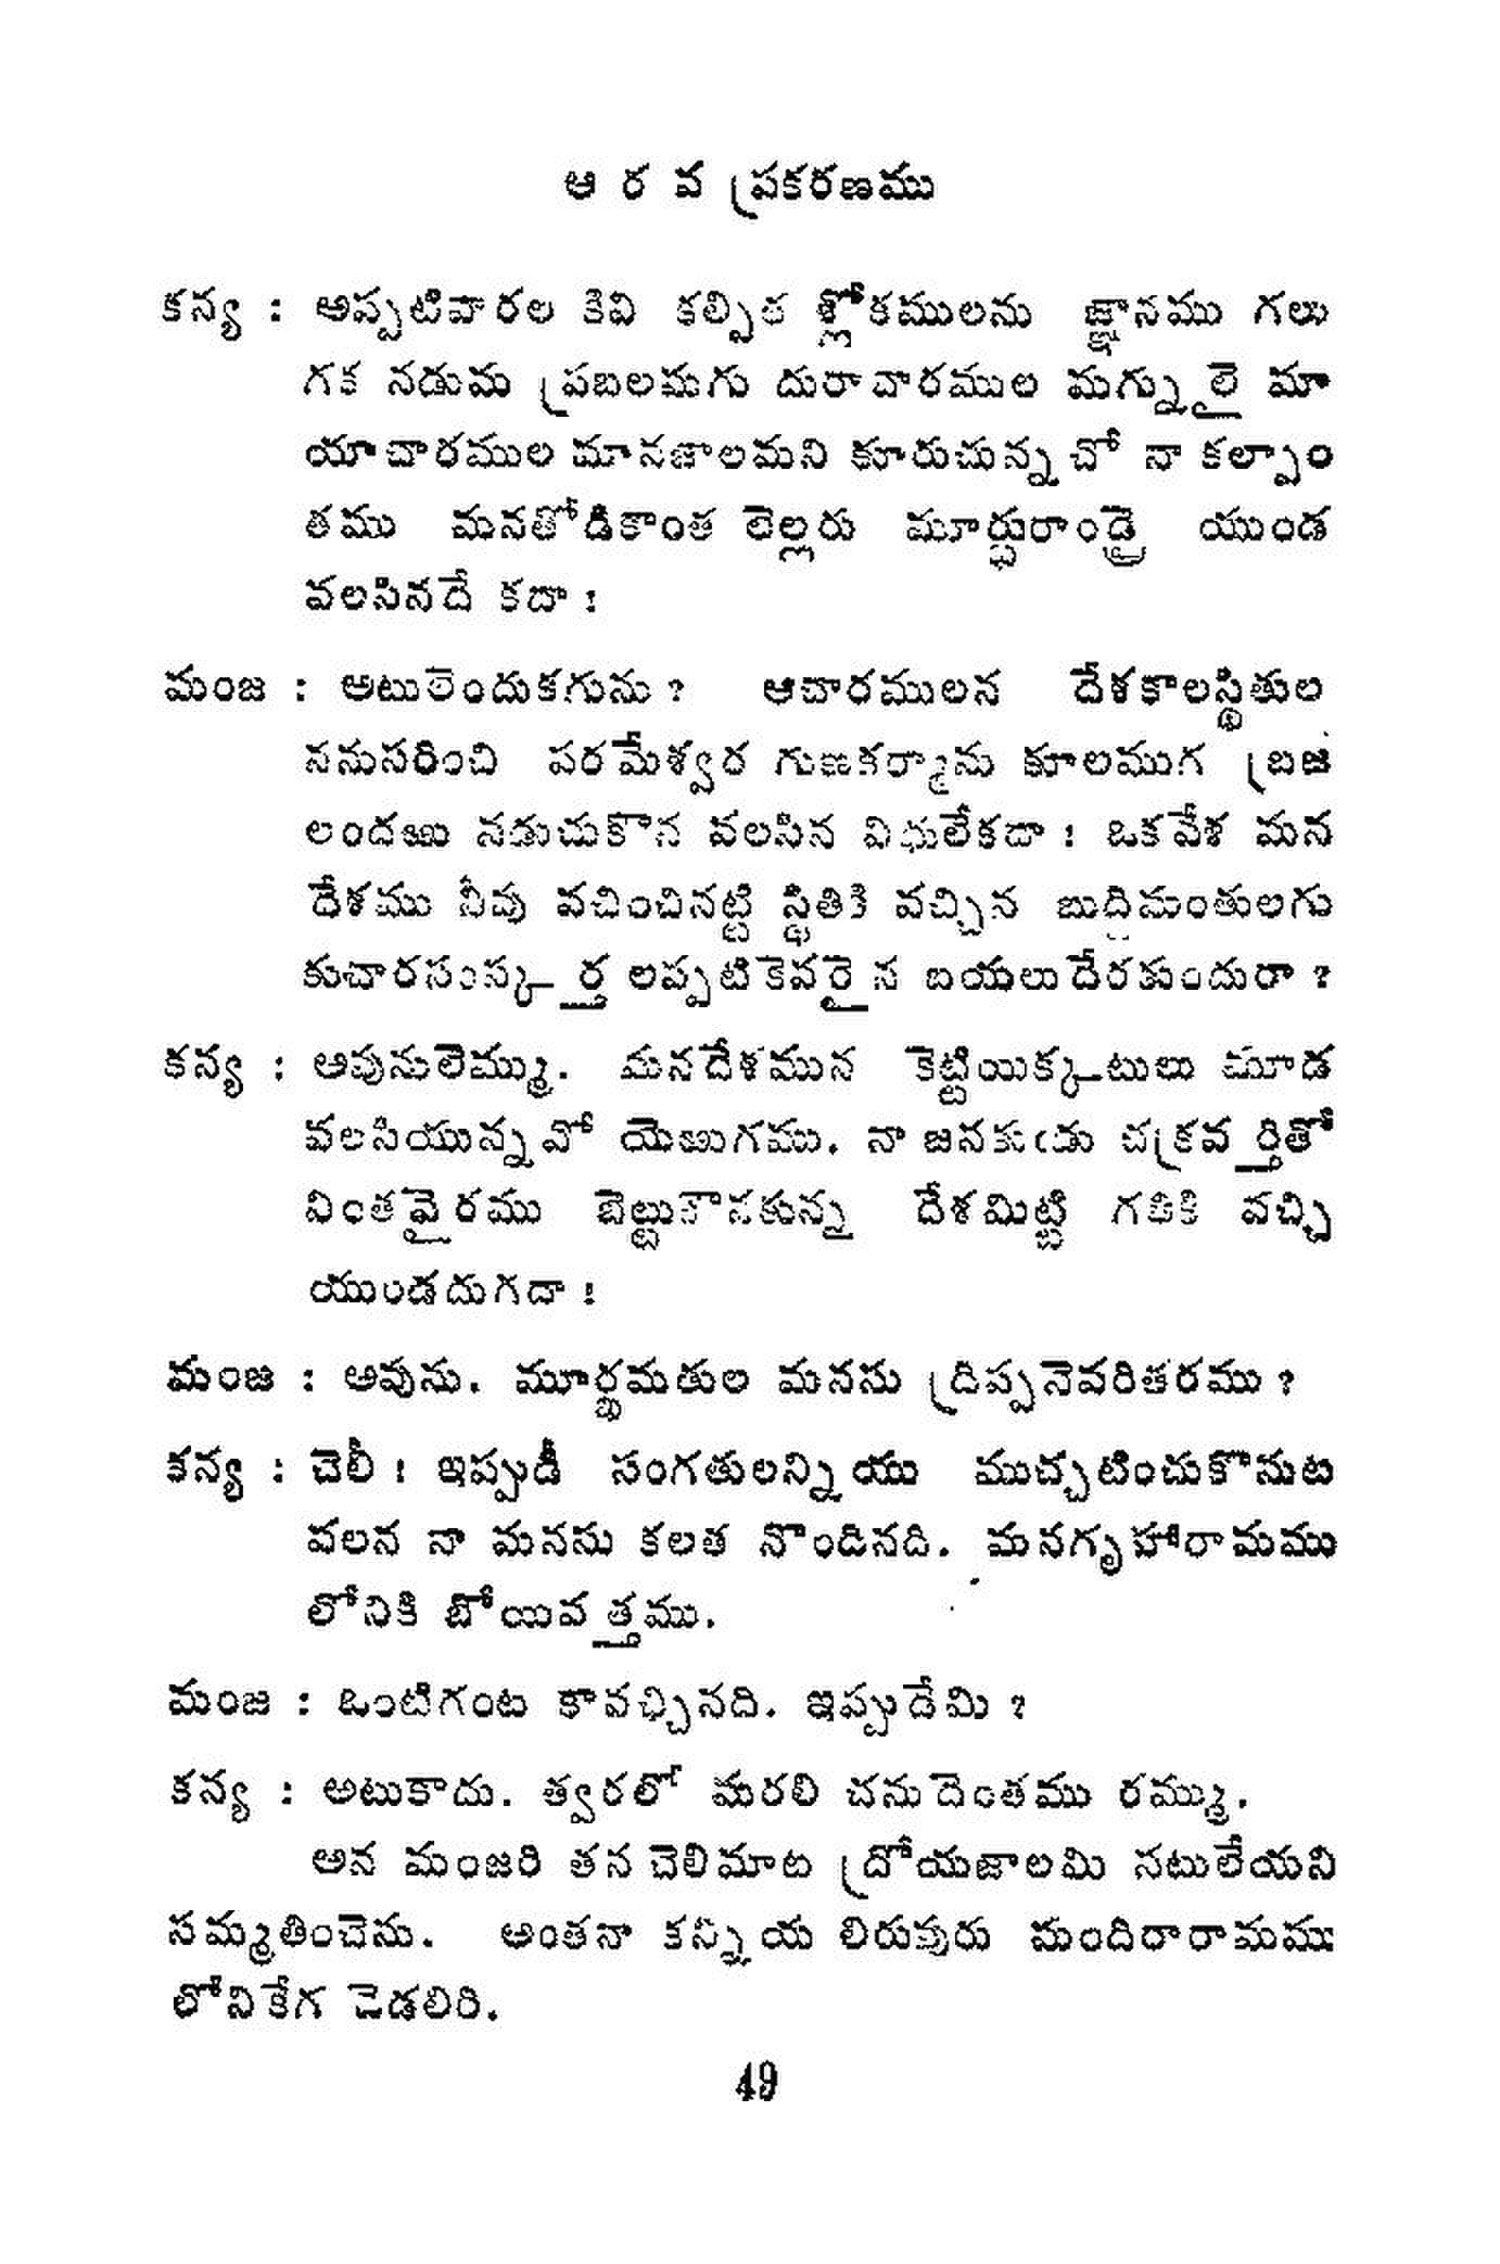కన్య : అప్పటివారల కివి కల్పిత శ్లోకములను జ్ఞానము గలుగక నడుమ ప్రబలమగు దురాచారముల మగ్నులై మాయాచారముల మానజాలమని కూరుచున్న చో నా కల్పాంతము మనతోడికాంత లెల్లరు మూర్ఖురాండ్రై యుండవలసినదే కదా ! 

మంజ : అటులెందుకగును ? ఆచారములన దేశకాలస్థితుల ననుసరించి పరమేశ్వర గుణకర్మాను కూలముగ బ్రజలందఱు నడుచుకొన వలసిన విధులేకదా ! ఒకవేళ మనదేశము నీవు వచించినట్టి స్థితికి వచ్చిన బుద్ధిమంతులగు కుచారసంస్కర్త లప్పటికెవరైన బయలుదేరకుందురా? 

కన్య : అవునులెమ్ము. మనదేశమున కెట్టియిక్కటులు మూడవలసియున్నవో యెఱుగము. నా జనకుఁడు చక్రవర్తితో నింతవైరము బెట్టుకొనకున్న దేశమిట్టి గతికి వచ్చియుండదుగదా! 

మంజ : అవును. మూర్ఖమతుల మనసు ద్రిప్పనెవరితరము? 

కన్య : చెలీ ! ఇప్పుడీ సంగతులన్నియు ముచ్చటించుకొనుటవలన నా మనసు కలత నొందినది. మనగృహారామములోనికి బోయివత్తము. . 

మంజ : ఒంటిగంట కావచ్చినది. ఇప్పుడేమి? 

కన్య : అటుకాదు. త్వరలో మరలి చనుదెంతము రమ్ము. అన మంజరి తన చెలిమాట ద్రోయజాలమి నటులేయని సమ్మతించెను. అంతనా కన్నియ లిరువురు మందిరారామము లోనికేగ వెడలిరి.